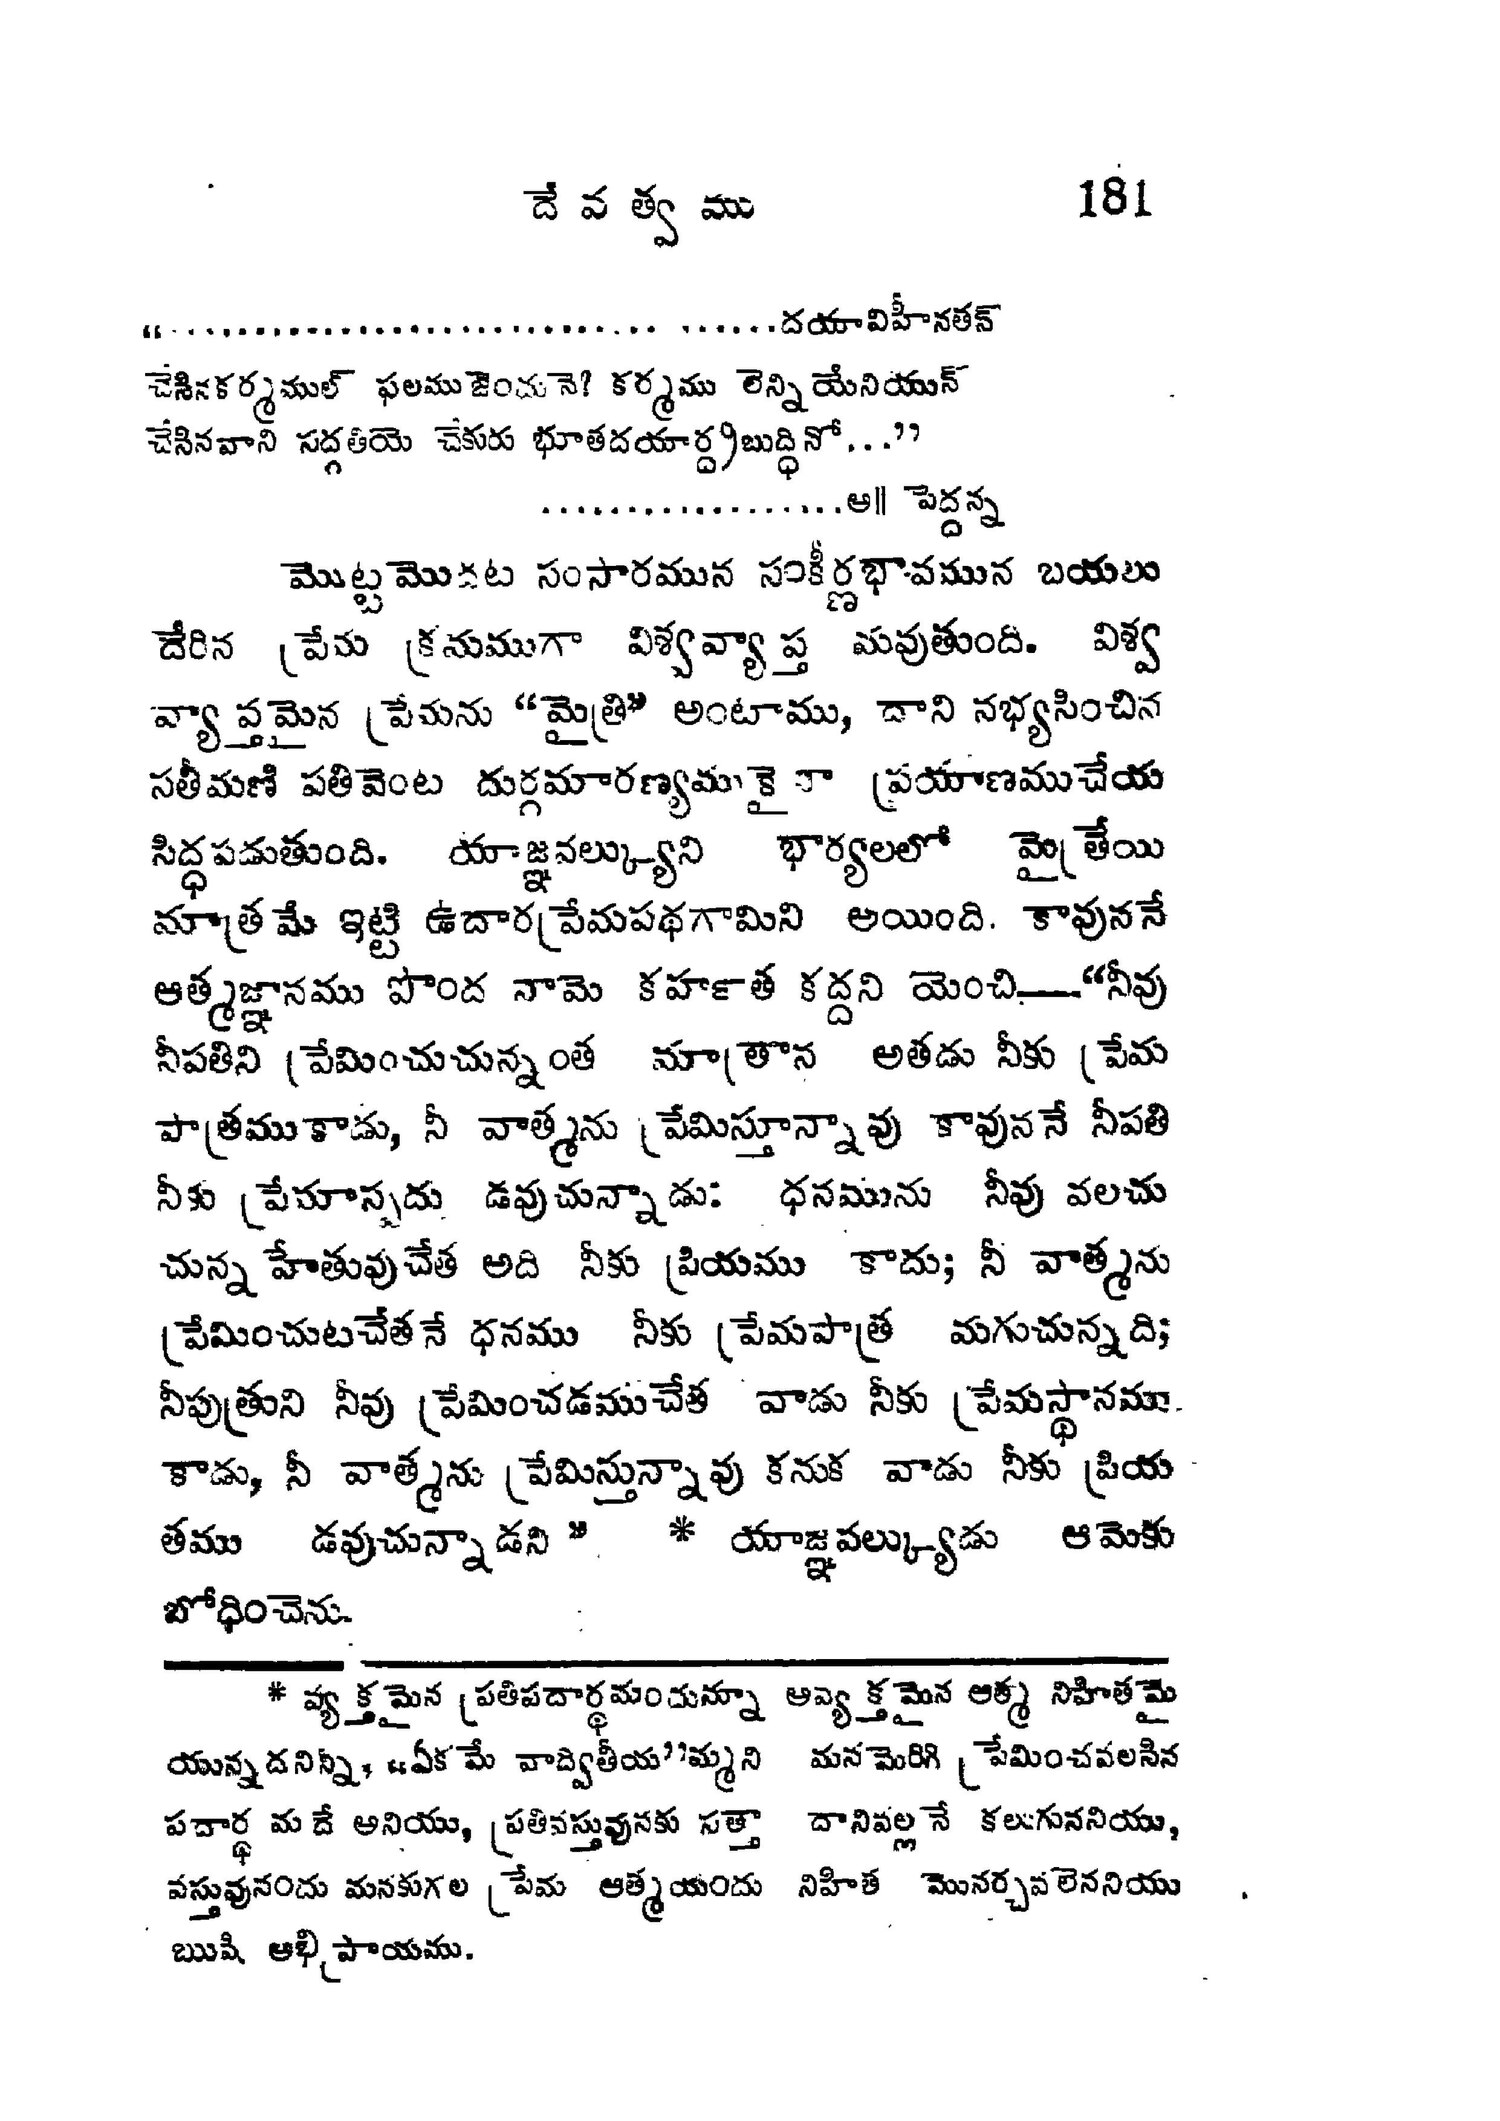"....................................................................దయావిహీనతన్
 చేసినకర్మముల్ ఫలము జెందునె? కర్మము లెన్నియేనియున్
 చేసినవాని సద్గతియె చేకురు భూతదయార్ద్రబుద్ధినో......"
 ...............................అ|| పెద్దన్న

మొట్టమొదట సంసారమున సంకీర్ణభావమున బయలు దేరిన ప్రేమ క్రమముగా విశ్వవ్యాప్త మవుతుంది. విశ్వవ్యాప్తమైన ప్రేమను "మైత్రి" అంటాము, దాని నభ్యసించిన సతీమణి పతివెంట దుర్గమారణ్యముకైనా ప్రయాణముచేయ సిద్ధపడుతుంది. యాజ్ఞవల్క్యుని భార్యలలో మైత్రేయి మాత్రమే ఇట్టి ఉదారప్రేమపథగామిని అయింది. కావుననే ఆత్మజ్ఞానము పొంద నామె కహన్‌త కద్దని యెంచి - "నీవు నీపతిని ప్రేమించుచున్నంత మాత్రాన అతడు నీకు ప్రేమ పాత్రముకాడు, నీ వాత్మను ప్రేమిస్తూన్నావు కావుననే నీపతి నీకు ప్రేమాస్పదు డవుచున్నాడు: ధనమును నీవు వలచుచున్న హేతువుచేత అది నీకు ప్రియము కాదు; నీ వాత్మను ప్రేమించుటచేతనే ధనము నీకు ప్రేమపాత్ర మగుచున్నది; నీపుత్రుని నీవు ప్రేమించడముచేత వాడు నీకు ప్రేమస్థానము కాడు, నీ వాత్మను ప్రేమిస్తున్నావు కనుక వాడు నీకు ప్రియతము డవుచున్నాడని: * యాజ్ఞవల్క్యుడు ఆమెకు బోధించెను.